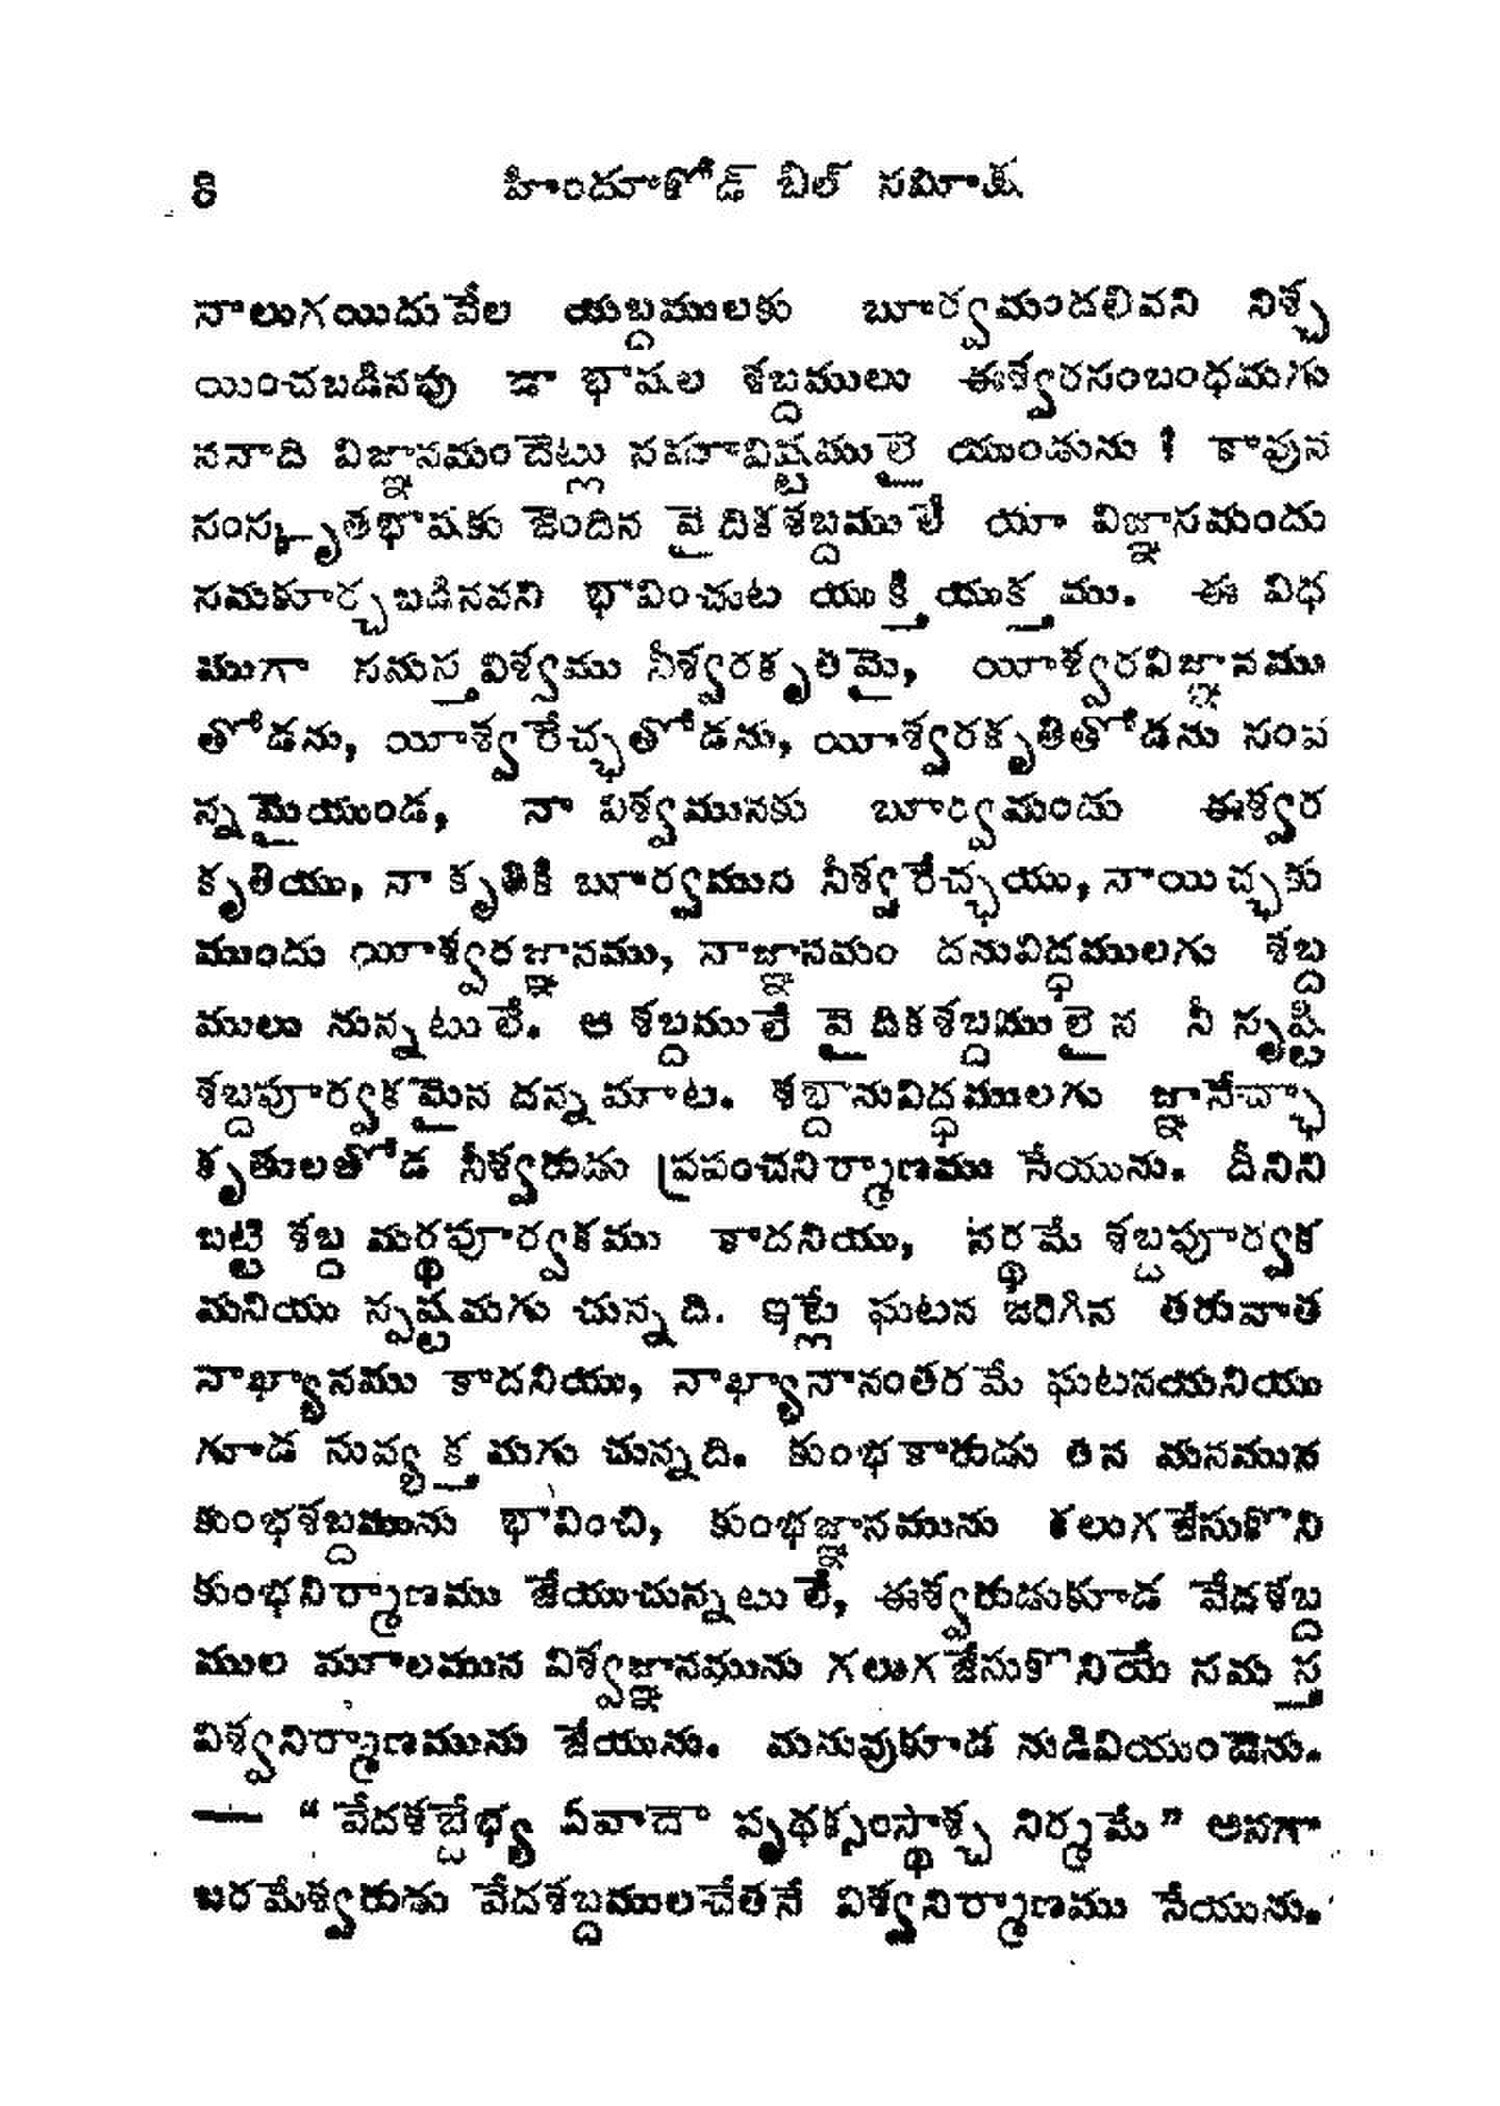నాలుగయిదువేల యబ్దములకు బూర్వమందలివని 
నిశ్చయించబడినపు డా భాషల శబ్దములు ఈశ్వరసంబంధమగు
ననాది విజ్ఞానమందెట్లు సమావిష్టములై యుండును ? కావున
సంస్కృతభాషకు చెందిన వైదిక శబ్దము లే యా విజ్ఞానమందు
సమకూర్చబడినవని భావించుట యుక్తి యుక్తము. ఈ విధ 
ముగా సమస్త విశ్వము నీశ్వరకృతమై, యీశ్వరవిజ్ఞానము
తోడను, యీశ్వరేచ్ఛతోడను, యీశ్వరకృతితోడను 
సంపన్నమైయుండ, నా విశ్వమునకు బూర్వమందు ఈశ్వర
కృతియు, నా కృతికి బూర్వమున నీశ్వరేచ్ఛయు, నాయిచ్ఛకు
ముందు యీశ్వరజ్ఞానము, నాజ్ఞానమం దనువిద్ధములగు శబ్దములు 
నున్నటులే ఆ శబ్దములే వైదికశబ్దములైన నీ సృష్టి
శబ్దపూర్వకమైన దన్న మాట. శబ్దానువిద్ధములగు జ్ఞానేచ్ఛాకృతుల 
తోడ నీశ్వరుడు ప్రపంచనిర్మాణము చేయును. దీనిని
బట్టి శబ్దమర్థపూర్వకము కాదనియు, నర్థమే శబ్దపూర్వక
మనియు స్పష్టమగు చున్నది. ఇట్లే ఘటన జరిగిన తరువాత
నాఖ్యానము కాదనియు, నాఖ్యానానంతరమే ఘటనయనియు
గూడ సువ్యక్తమగు చున్నది. కుంభకారుడు తన మనమున
కుంభశబ్దమును భావించి, కుంభజ్ఞానమును కలుగజేసుకొని
కుంభనిర్మాణము జేయుచున్నటులే, ఈశ్వరుడుకూడ వేదశబ్ద
ముల మూలమున విశ్వజ్ఞానమును గలుగజేసుకొనియే సమస్త
విశ్వనిర్మాణమును జేయును. మనువుకూడ నుడివియుండెను.
- "వేదశబ్దేభ్య ఏవాదౌ పృథక్సంస్థాశ్చ నిర్మమే" అనగా
బరమేశ్వరుడు వేదశబ్దములచేతనే విశ్వనిర్మాణము సేయును .